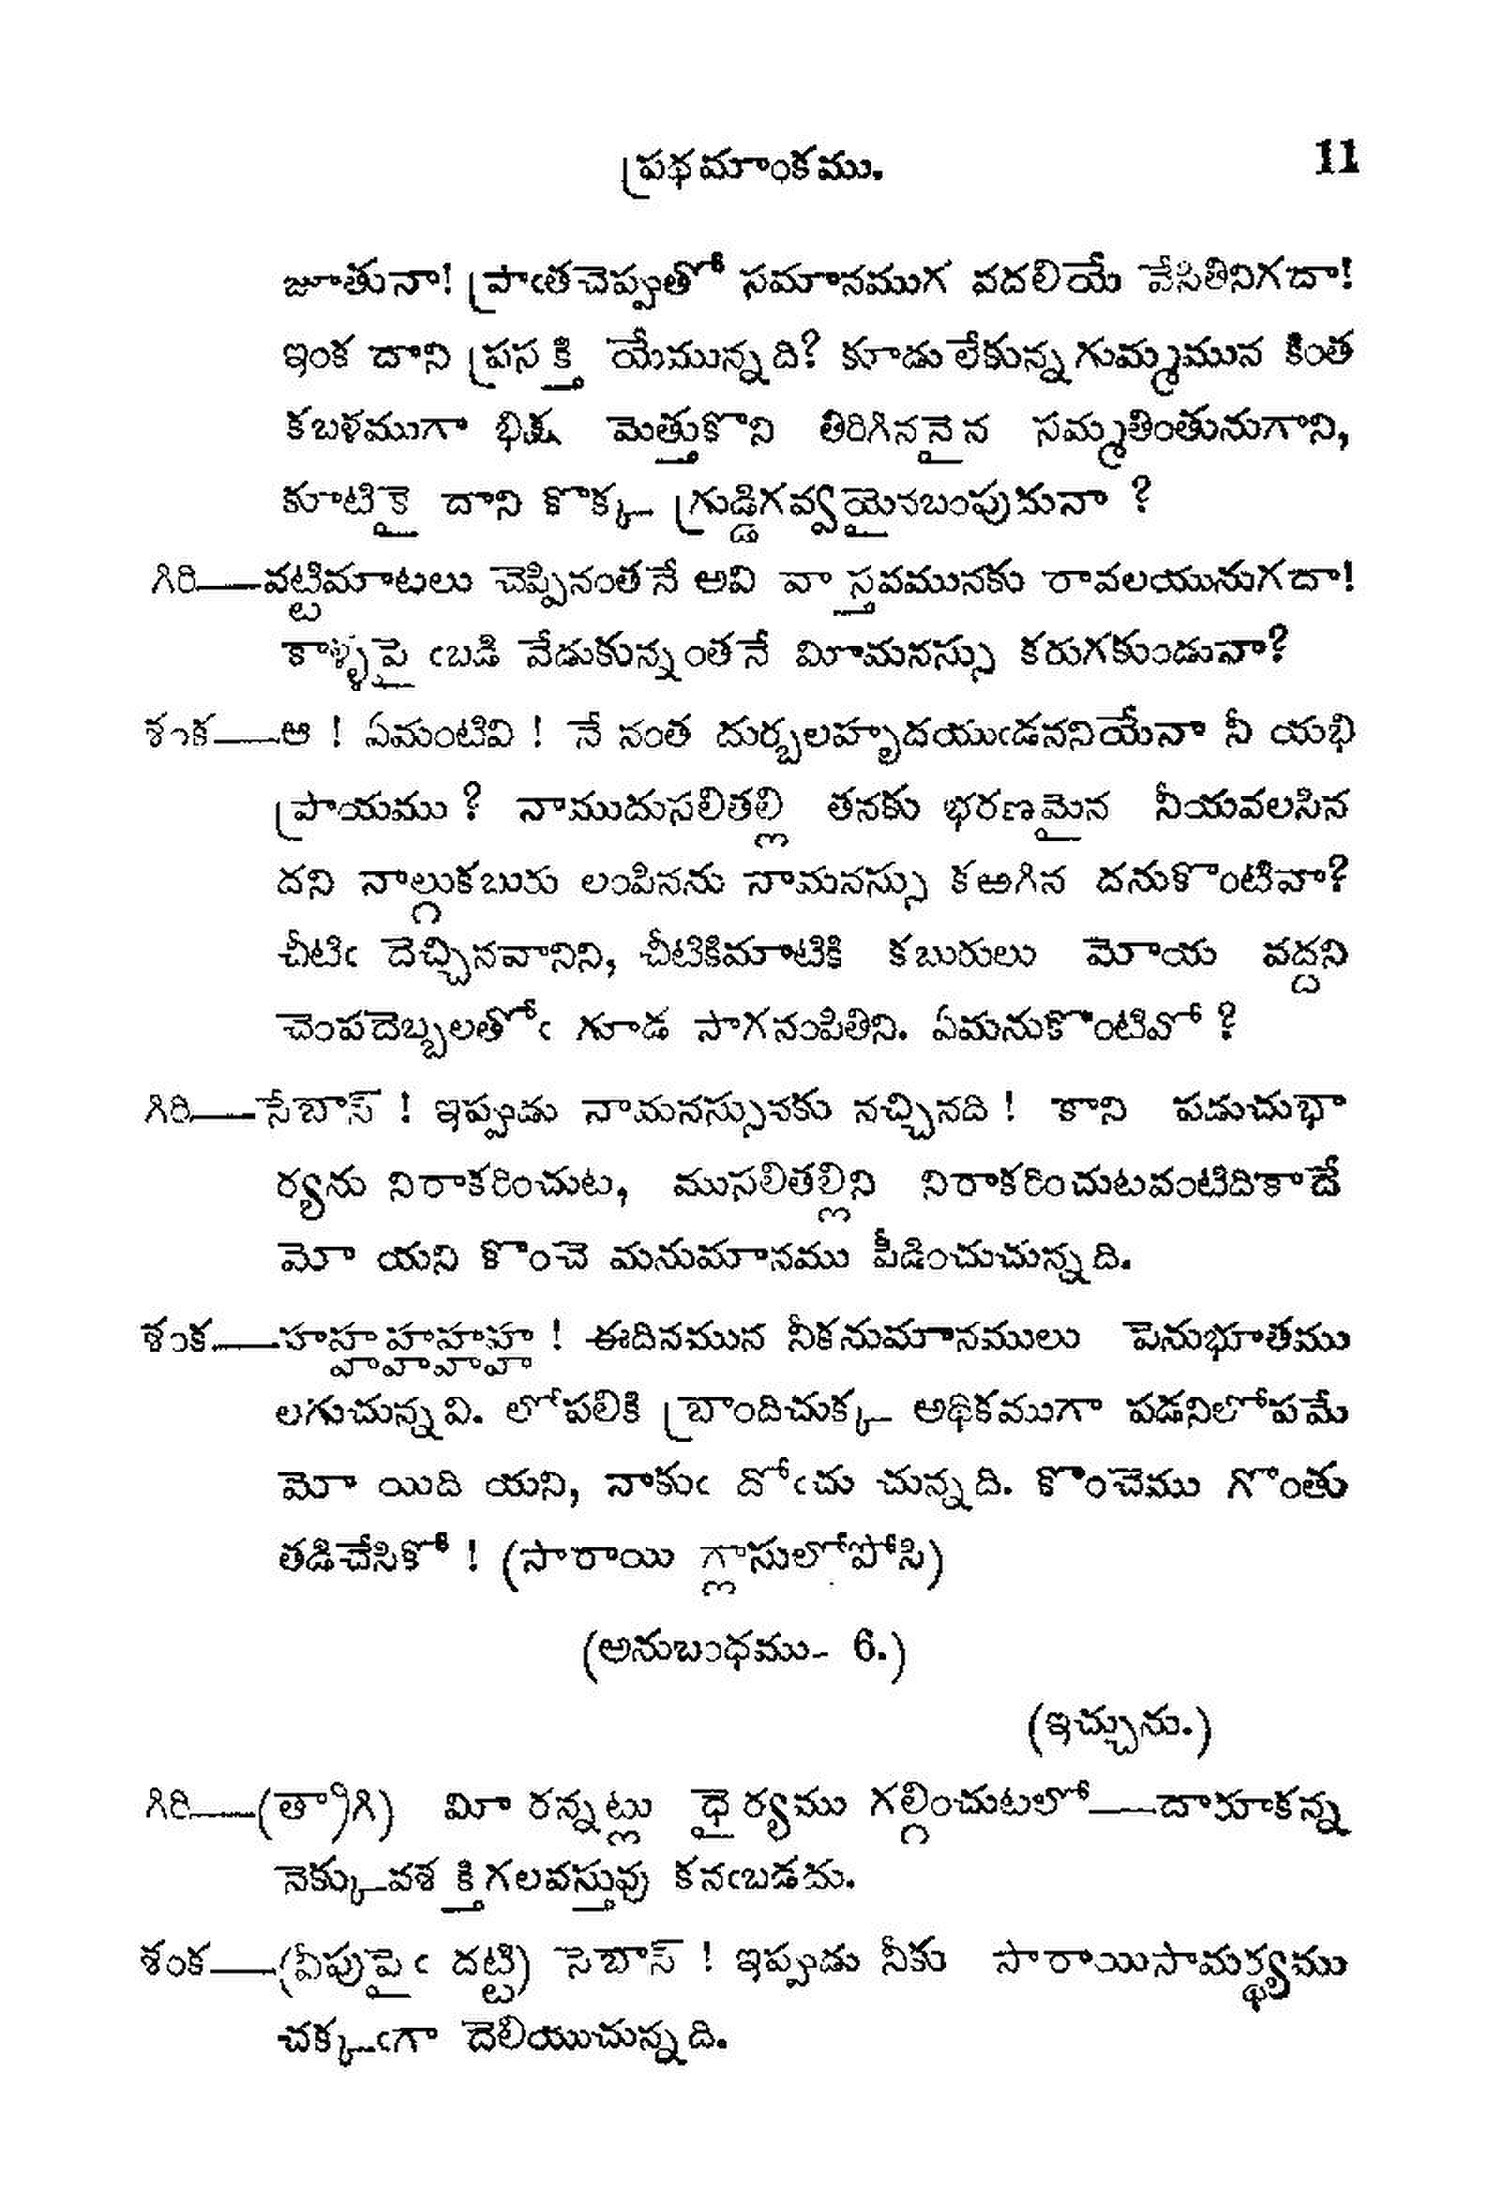జూతునా! ప్రాఁత \చెప్పుతో సమానముగ వదలియే వేసతినిగదా! ఇంక దాని ప్రసక్తి యేమున్నది? కూడులేకున్నగుమ్మమున కింత కబళముగా భిక్ష మెత్తుకొని తిరిగిననైన సమ్మతింతునుగాని, కూటికై దాని కొక్క గ్రుడ్డిగవ్వయైనబంపుదునా ?

గిరి - వట్టిమాటలు చెప్పినంతనే అవి వాస్తవమునకు రావలయునుగదా! కాళ్ళపైఁ బడి వేడుకున్నంతనే మీమనస్సు కరుగకుండునా?

శంక - ఆ ! ఏమంటివి ! నే నంత దుర్బలహృదయుఁడననియేనా నీ యభిప్రాయము ? నాముదుసలితల్లి తనకు భరణమైన నీయవలసిన దని నాల్గుకబురు లంపినను నామనస్సు కఱగిన దనుకొంటివా? చీటిఁ దెచ్చినవానిని, చీటికిమాటికి కబురులు మోయ వద్దని చెంపదెబ్బలతోఁ గూడ సాగనంపితిని. ఏమనుకొంటివో ?

గిరి -- సేబాస్ ! ఇప్పుడు నామనస్సునకు నచ్చినది ! కాని పడుచుభార్యను నిరాకరించుట, ముసలితల్లిని నిరాకరించుటవంటిదికాదేమో యని కొంచె మనుమానము పీడించుచున్న ది.

శంక - హహ్హహ్హహ్హహ్హ! ఈదినమున నీకనుమానములు పెనుభూతములగుచున్నవి. లోపలికి బ్రాందిచుక్క అథికముగా పడనిలోపమే మో యిది యని, నాకుఁ దోఁచు చున్నది. కొంచెము గొంతు
తడిచేసికో ! (సారాయి గ్లాసులోపోసి)

గిరి - (త్రాగి) మీరన్నట్లు ధైర్యము గల్గించుటలో - దారూకన్న నెక్కువశక్తిగలవస్తువు కనఁబడదు.

శంక - (వీపుపైఁ దట్టి) సెబాస్ ! ఇప్పుడు నీకు సారాయిసామర్థ్యము చక్కఁగా దెలియుచున్నది.